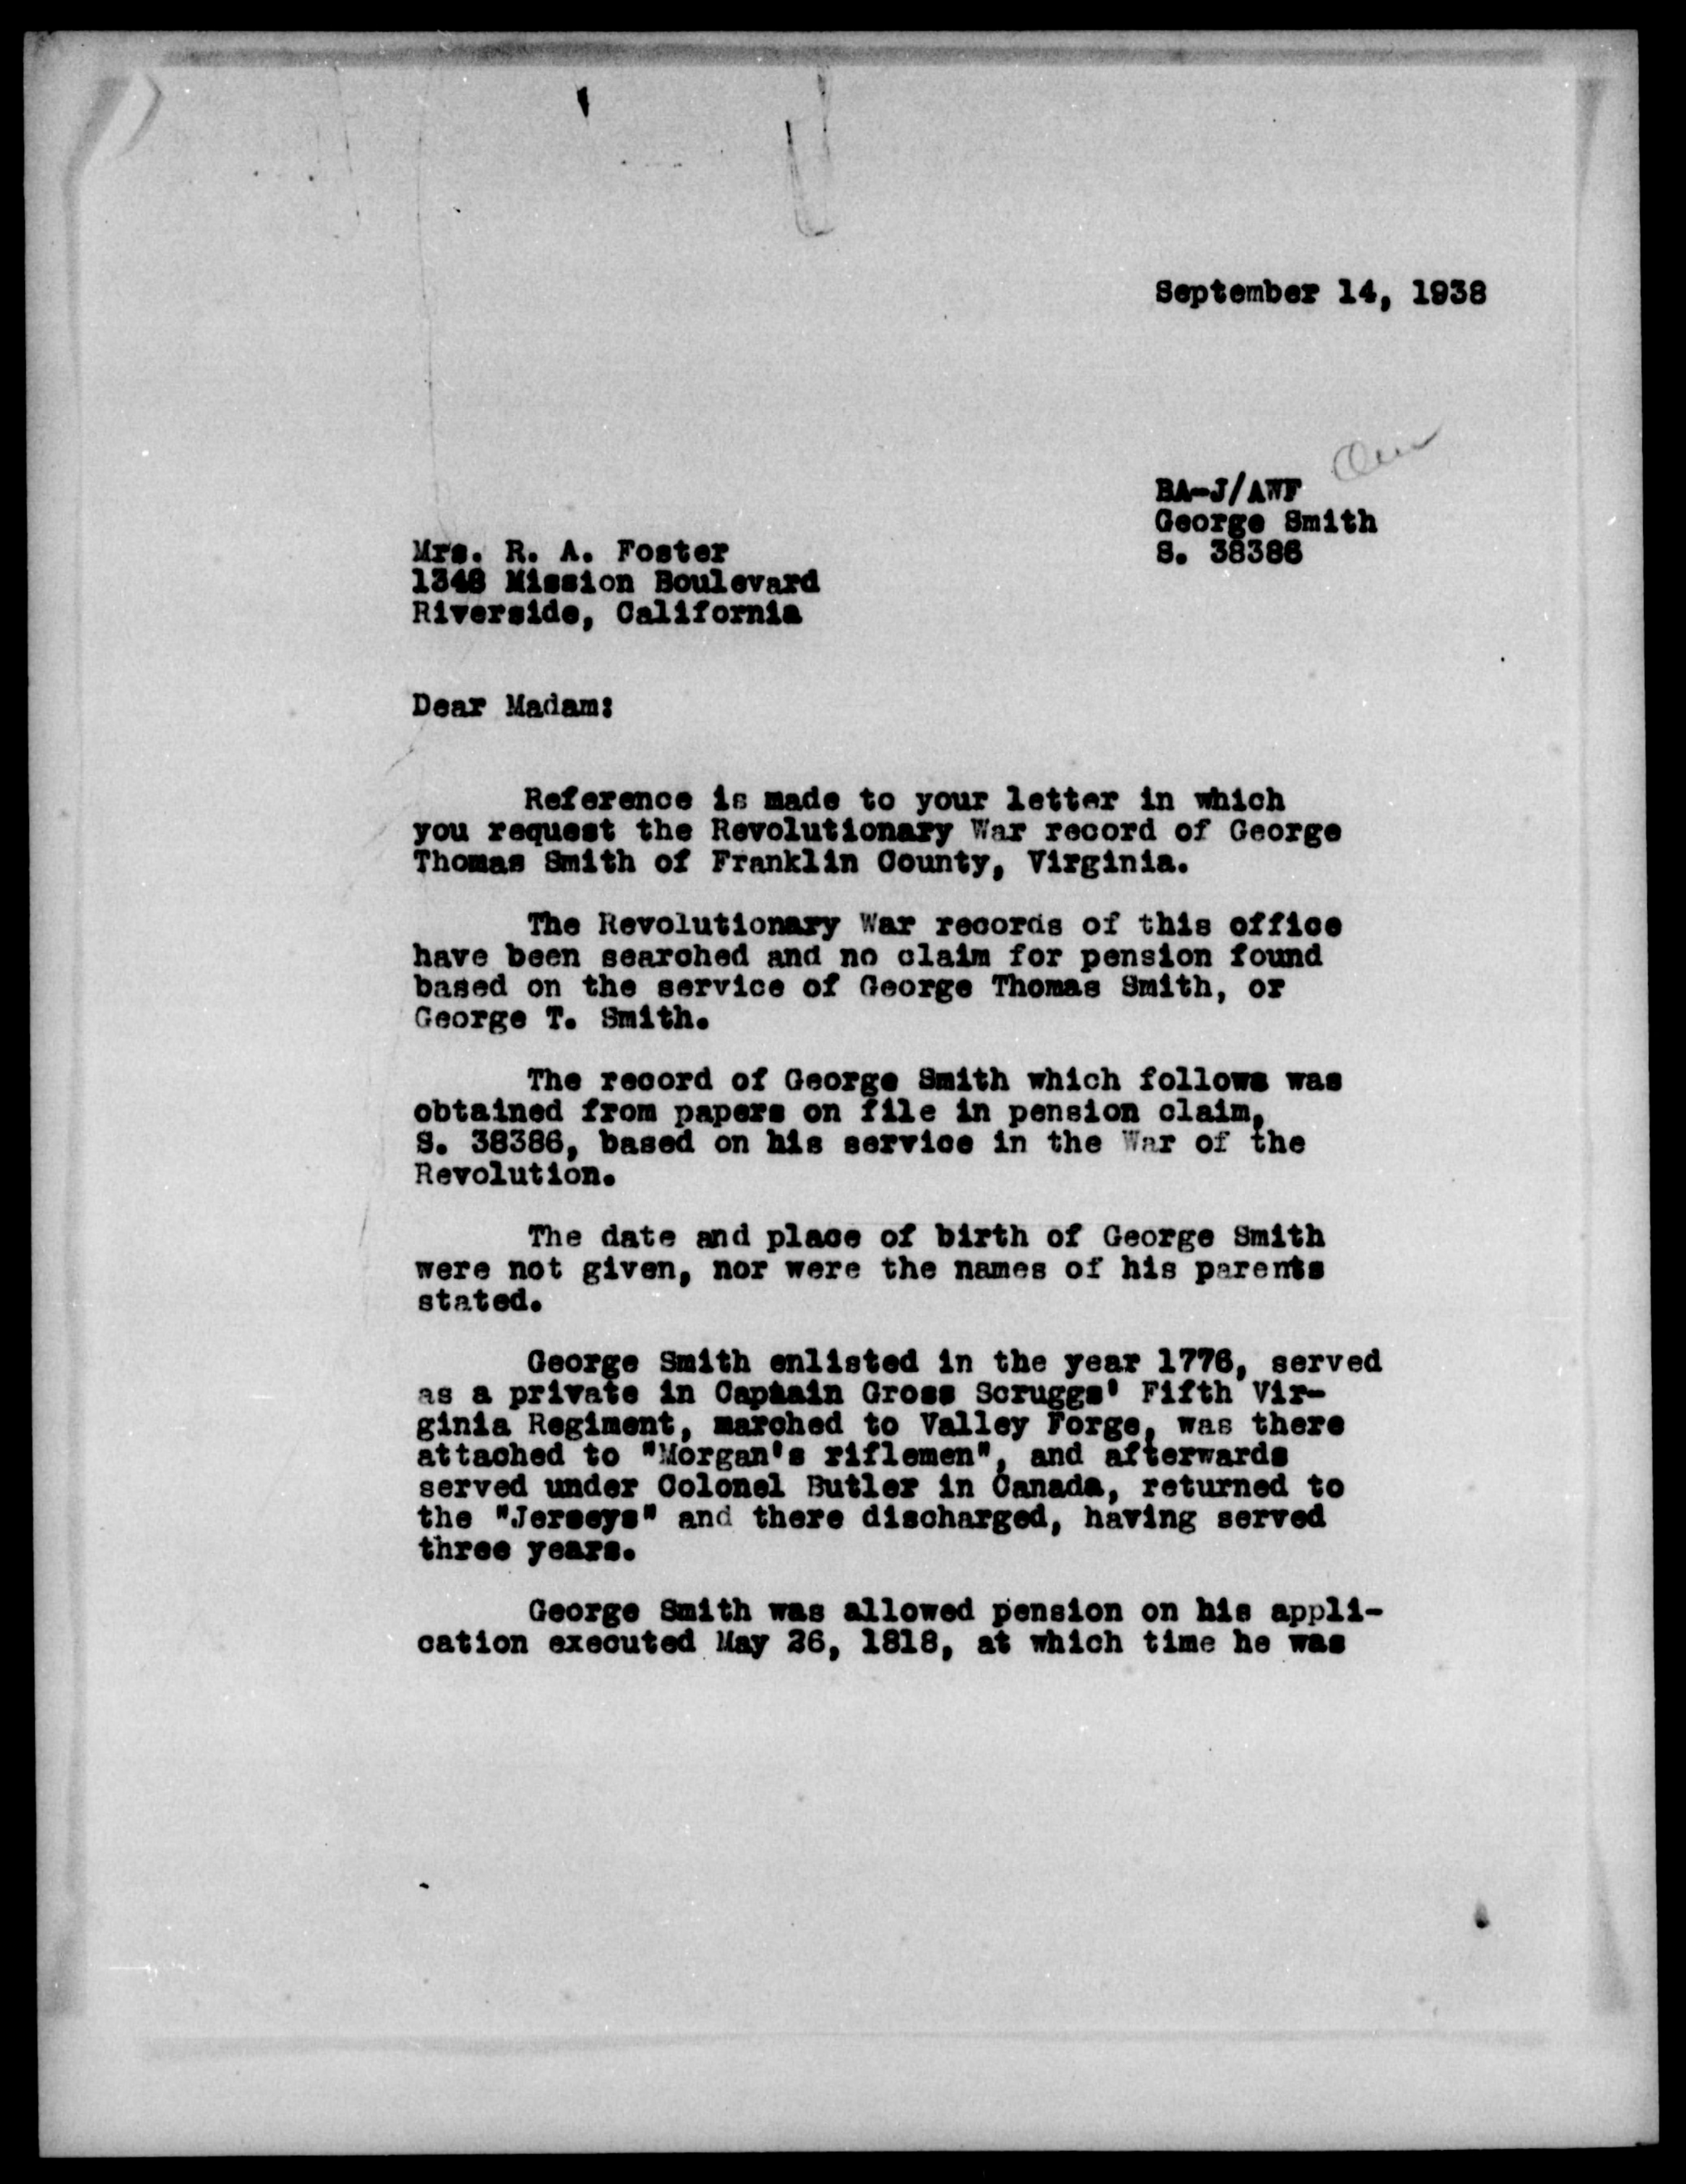BA-J/AWF
George Smith
S. 38386
Mrs. R. A. Foster
1348 Mission Boulevard
Riverside, California
Dear Madam:
Reference is made to your letter in which you request the Revolutionary War record of George Thomas Smith of Franklin County, Virginia.
The Revolutionary War records of this office have been searched and no claim for pension found based on the service of George Thomas Smith, or George T. Smith.
The record of George Smith which follows was obtained from papers on file in pension claim, S. 38386, based on his service in the War of the Revolution. 
The date and place of birth of George Smith were not given, nor were the names of his parents stated. 
George Smith enlisted in the year 1776, served as a private in Captain Gross Scruggs' Fifth Virginia Regiment, marched to Valley Forge, was there attached to "Morgan's riflemen" and afterwards served under Colonel Butler in Canada, returned to the "Jerseys" and there discharged, having served three years. 
George Smith was allowed pension of his application executed May 26, 1818, at which time he was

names: George Thomas Smith; George Smith; George Smith; [BLANK] Butler; George Thomas Smith; George Smith; George Smith; George Smith; George T Smith; R A Foster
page: 10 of 16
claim: survivor's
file: S. 38,386, for George Smith, Virginia